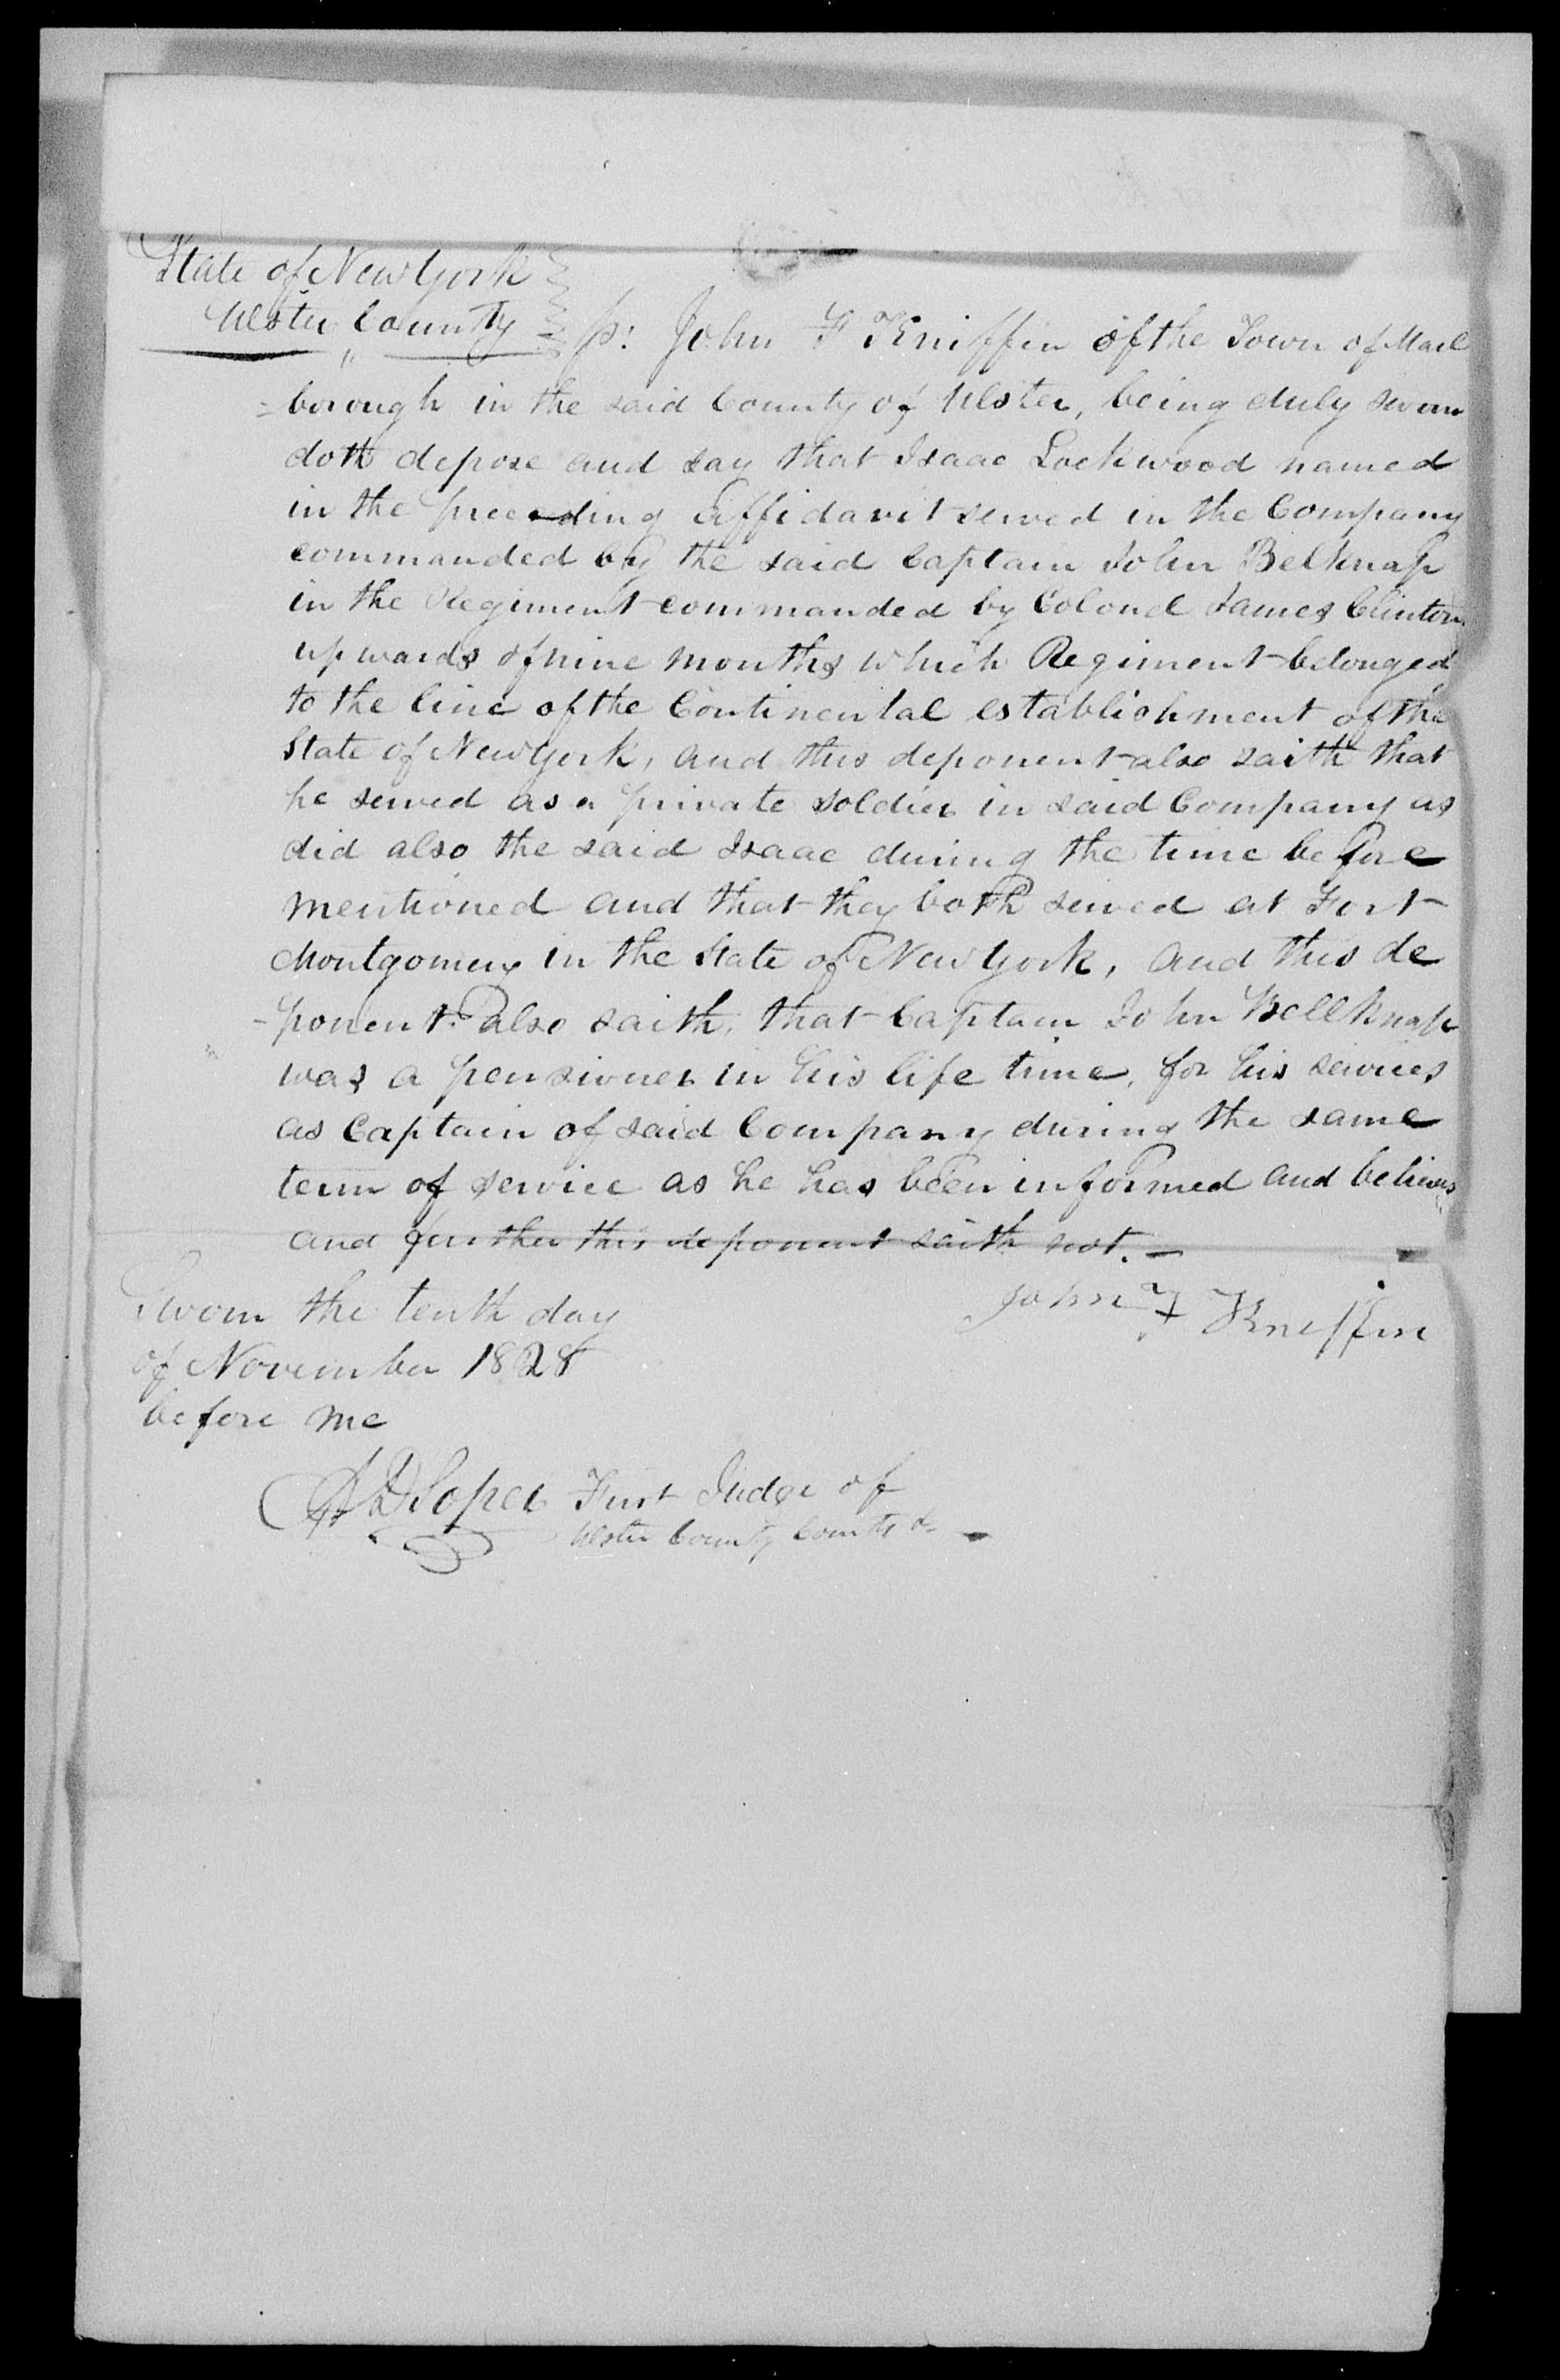State of New York}
Ulster County} Ss:  John F Kniffin; of the Town of Marlborough in the said County of Ulster, being duly sworn doth depose and say that Isaac Lockwood named in the preceding affidavit served in the Company commanded by the said Captain John Belknap in the Regiment commanded by Colonel James Clinton upwards of nine months which Regiment belonged to the line of the Continental establishment of the State of New York, and this deponent also saith that he served as a private soldier in said Company as did also the said Isaac during the time before mentioned and that they both served at Fort Montgomery in the State of New York, and this deponent also saith that Captain John Belknap was a  pensioner in his life time for his services as Captain of said Company during the same term of service as he has been informed and believes and further this deponent saith not..

[signature]John F Kniffin

Sworn the tenth day 
of November 1828
before me

A D Soper First Judge of Ulster County New York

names: John F Kniffin; A D Soper; John Belknap; James Clinton; Isaac Lockwood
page: 6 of 23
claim: survivor's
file: S 42891, for Isaac Lockwood, New York